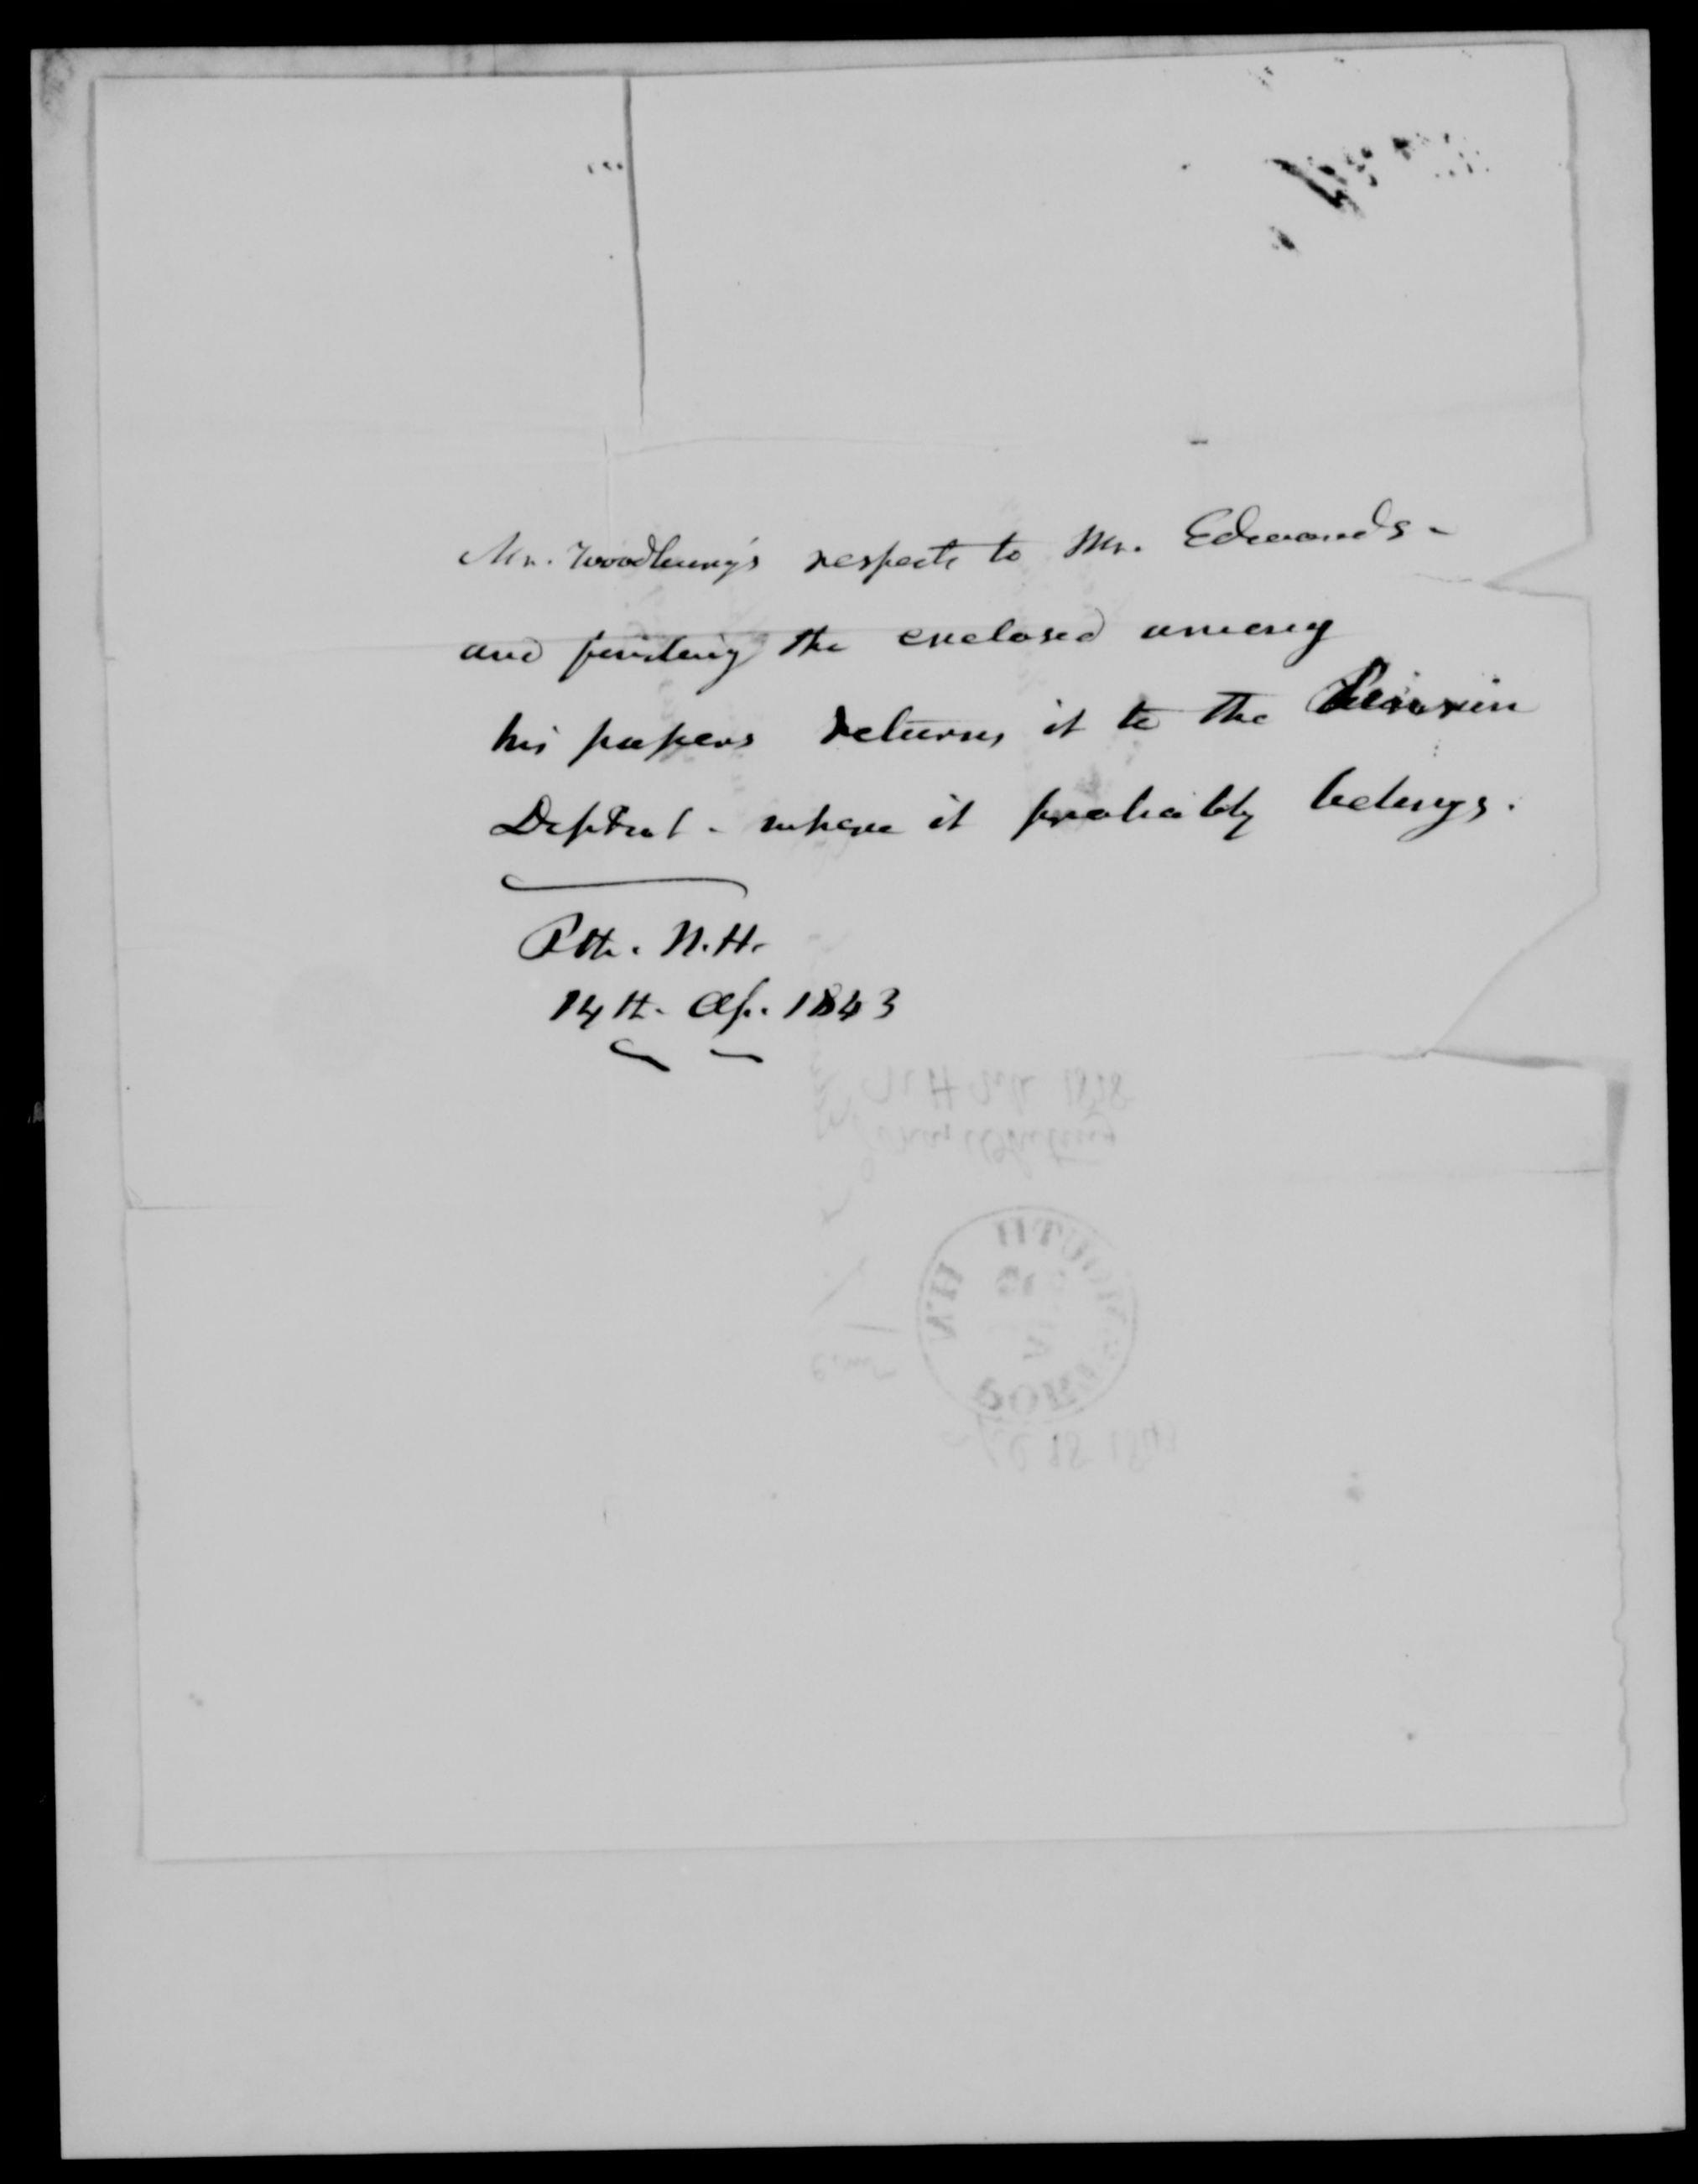Mr. Woodbury's respects to Mr. Edwards
and finding the enclosed anyhis
his papers returns it to the Pensions
Deptmt where it probably belongs

Attn, N.H.
14th Ap. 1843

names: Woodbury, Edwards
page: 16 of 22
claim: survivor's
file: S. 43298, Jonas Whiting, Mass.